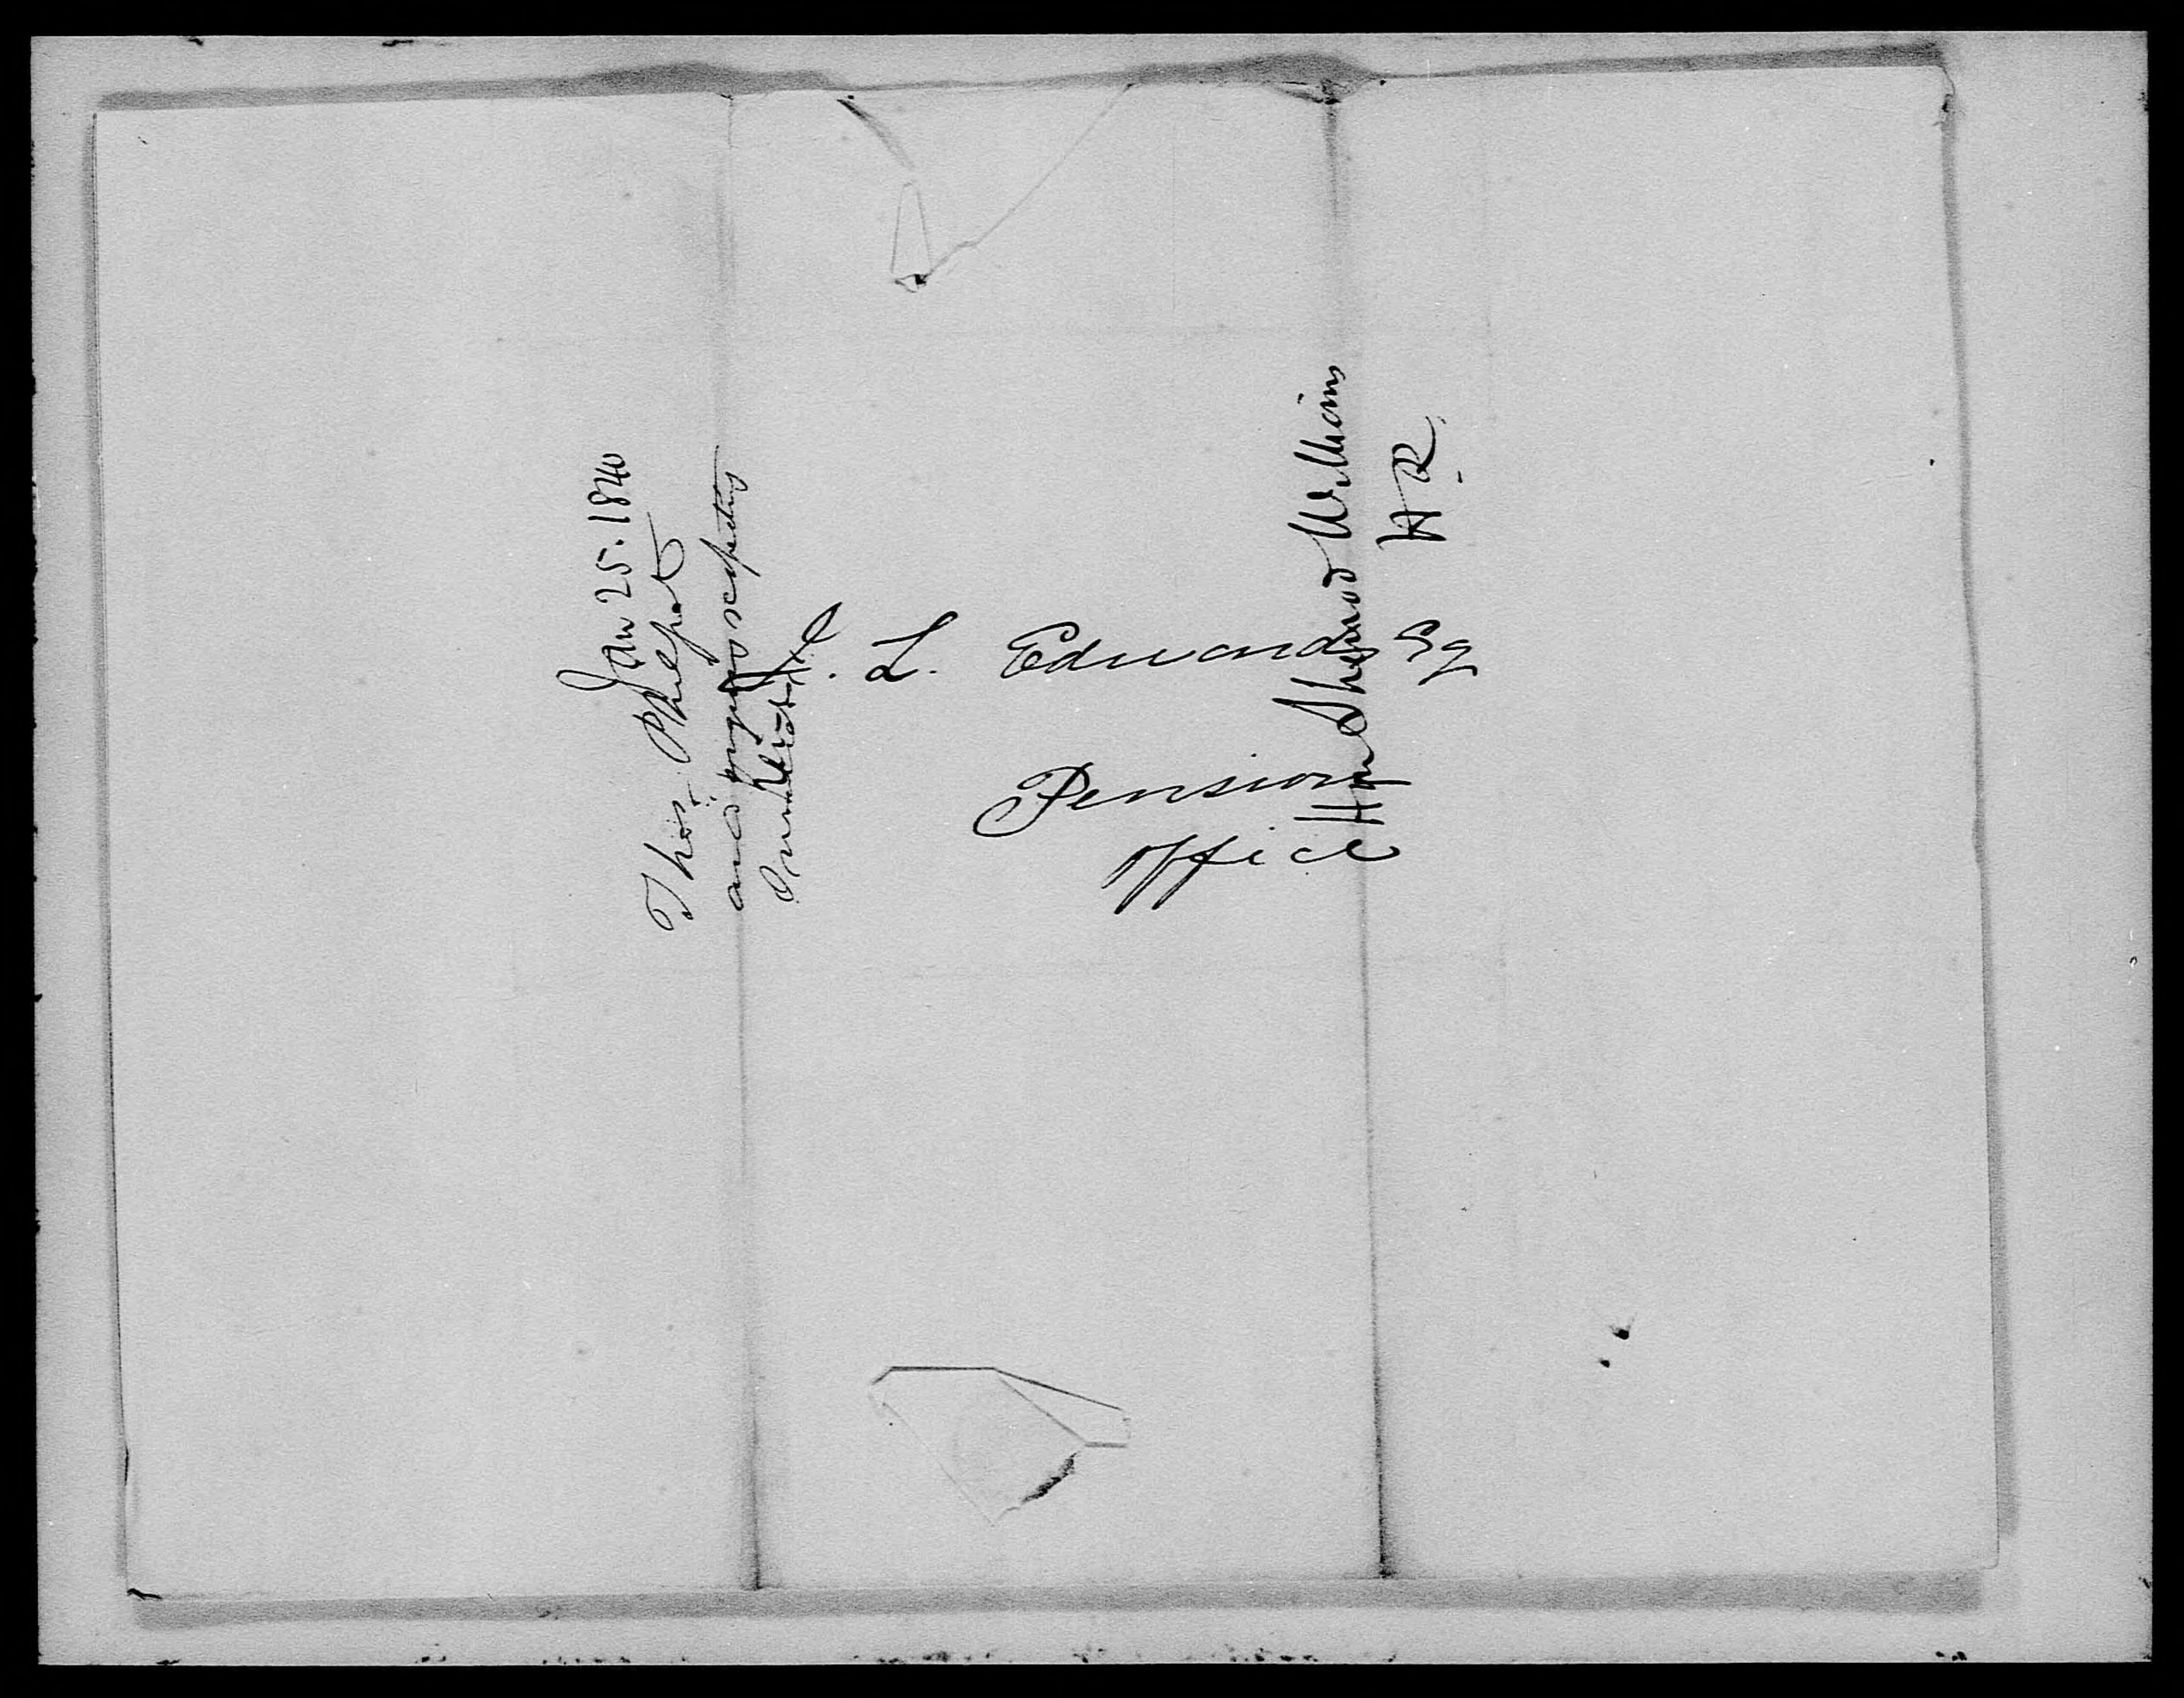JL Edwards Esq
Pension Office
Jan 25 1840
Thos Philpot
Sherrod Williams H of R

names: J L Edwards; Thos Philpot; Sherrod Williams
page: 26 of 43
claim: rejected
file: R. 8217, for Thomas Philpot, South Carolina